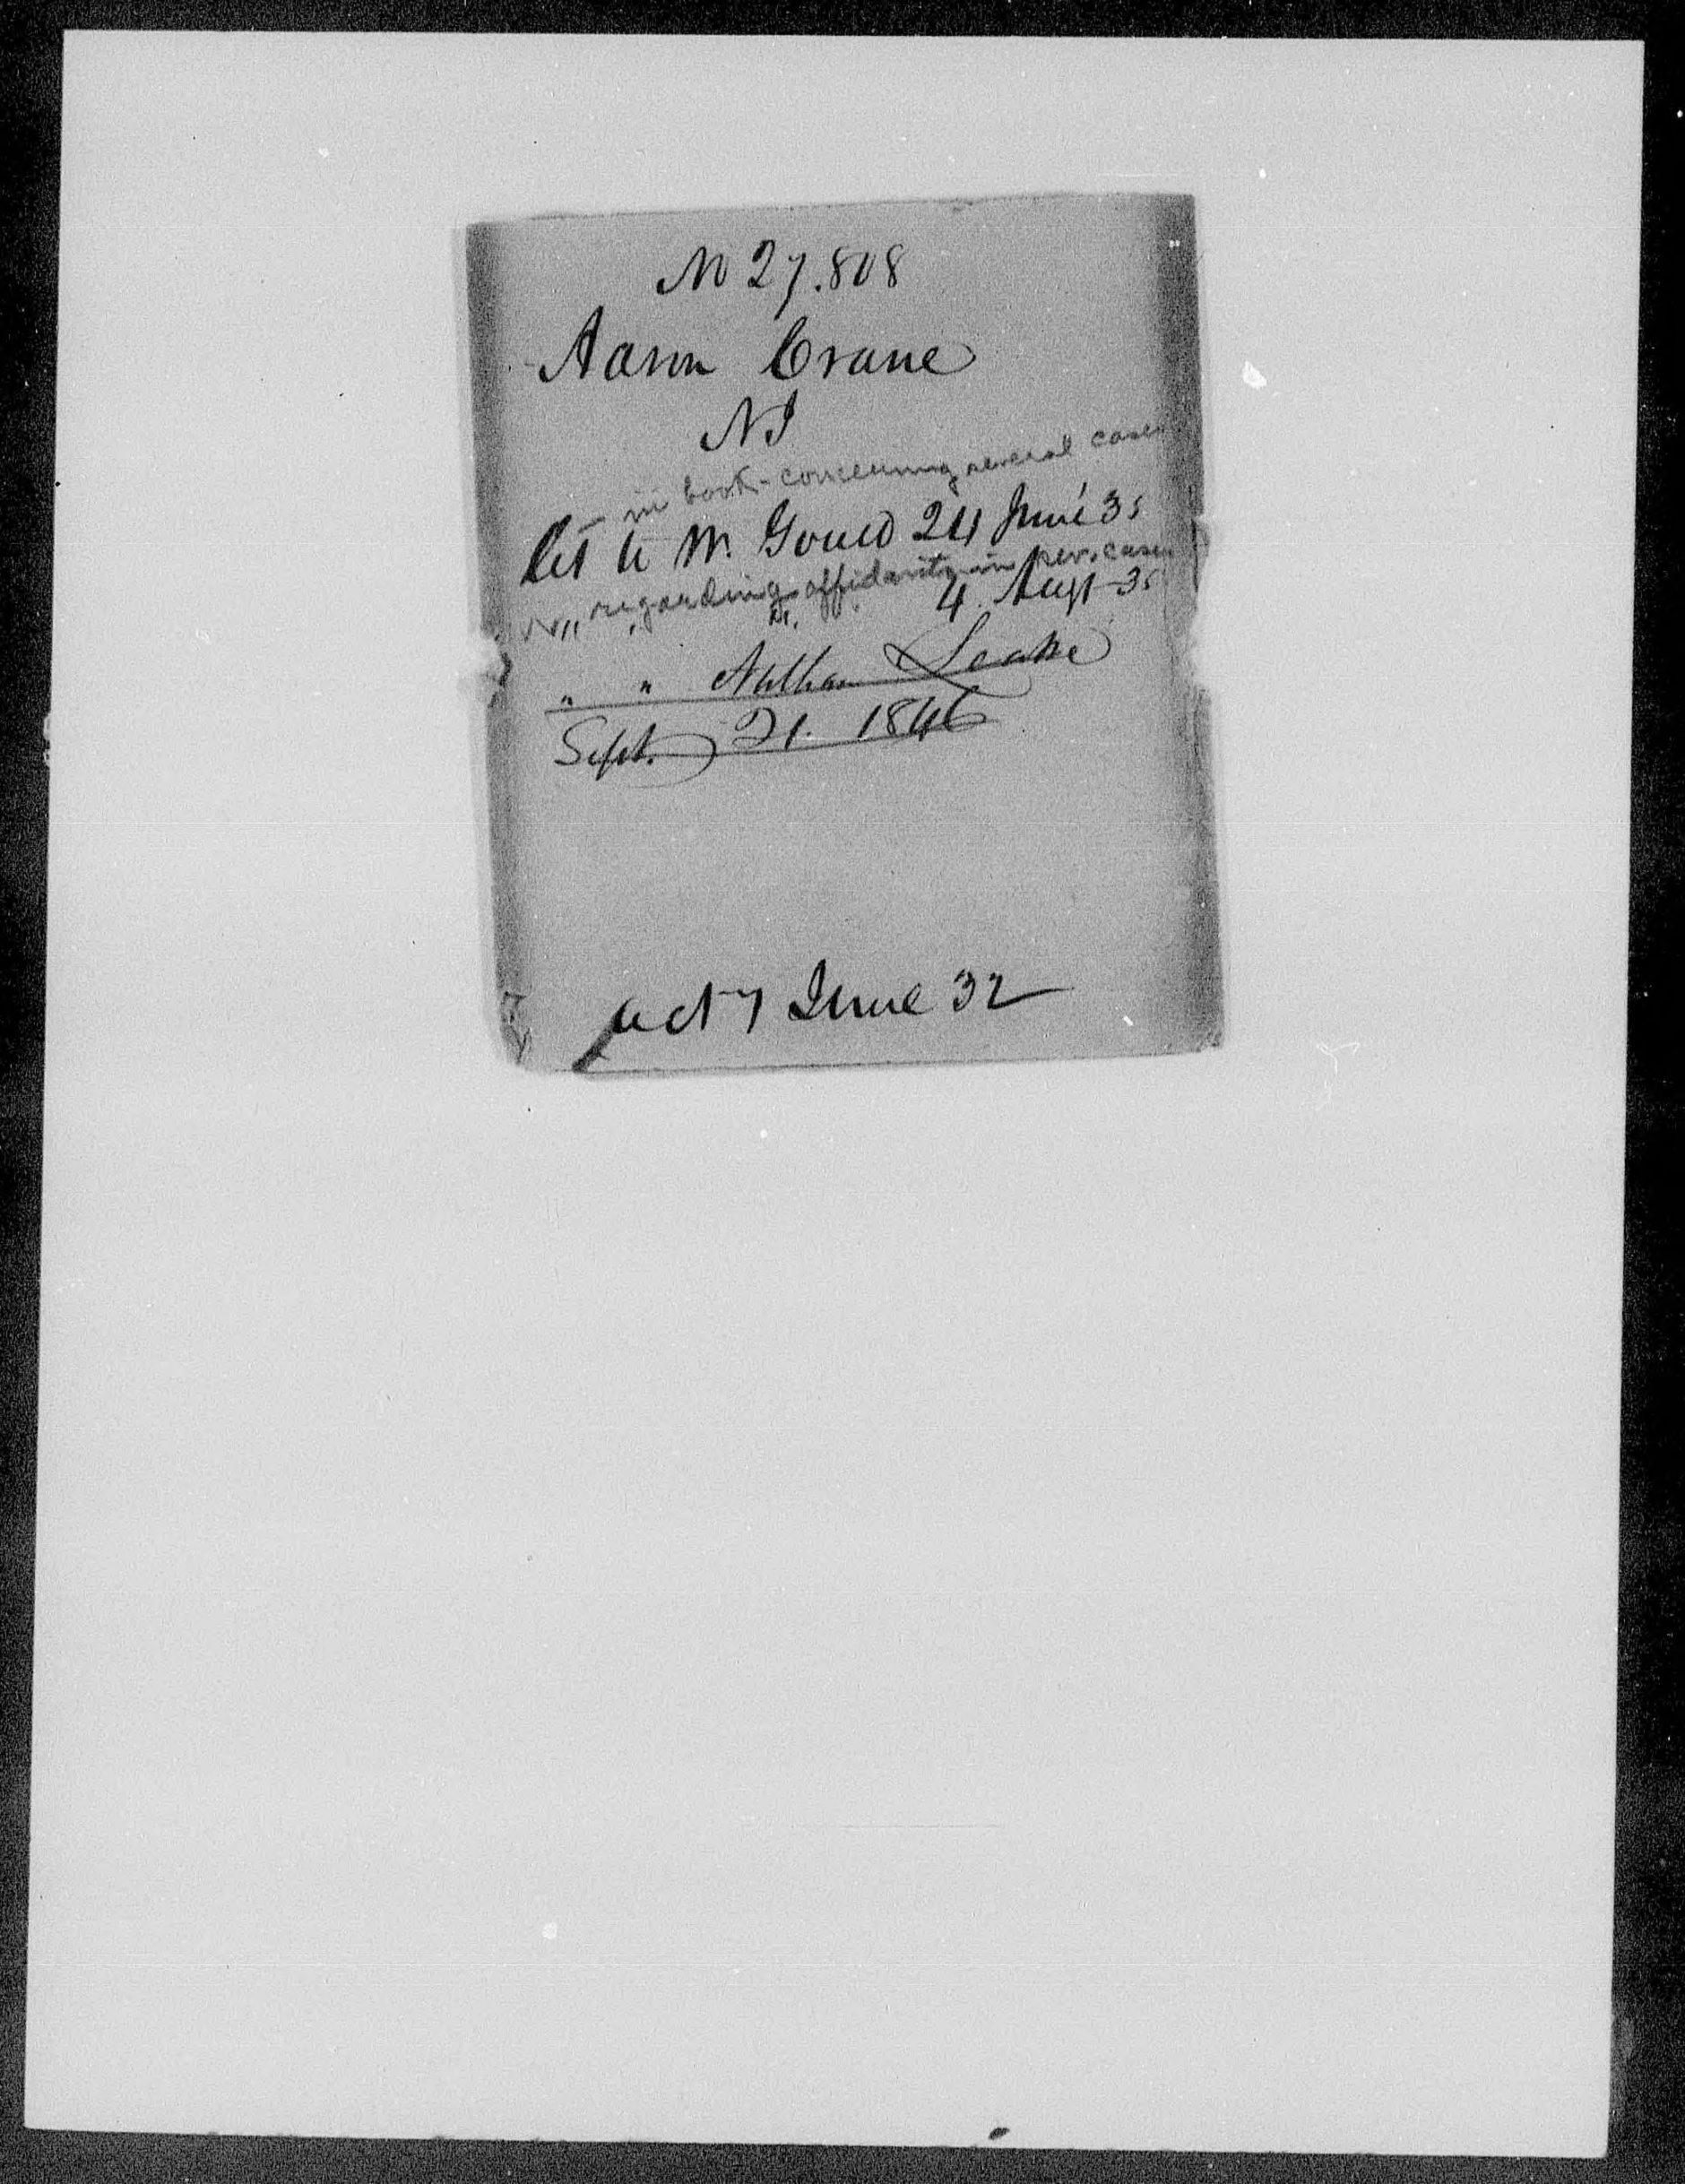Aaron Crane

NJ

in book concerning serveral cases

let A M Gould 24 June '35

regarding affidavits per cases

N "               M                 4 Sept 35

"       "          Arthur Leake

Sept 21 1846



Act 7 June 32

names: W Gould, Nathan Leake, Aaron Crane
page: 26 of 32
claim: rejected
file: R. 2441, Aaron Crane, New Jersey